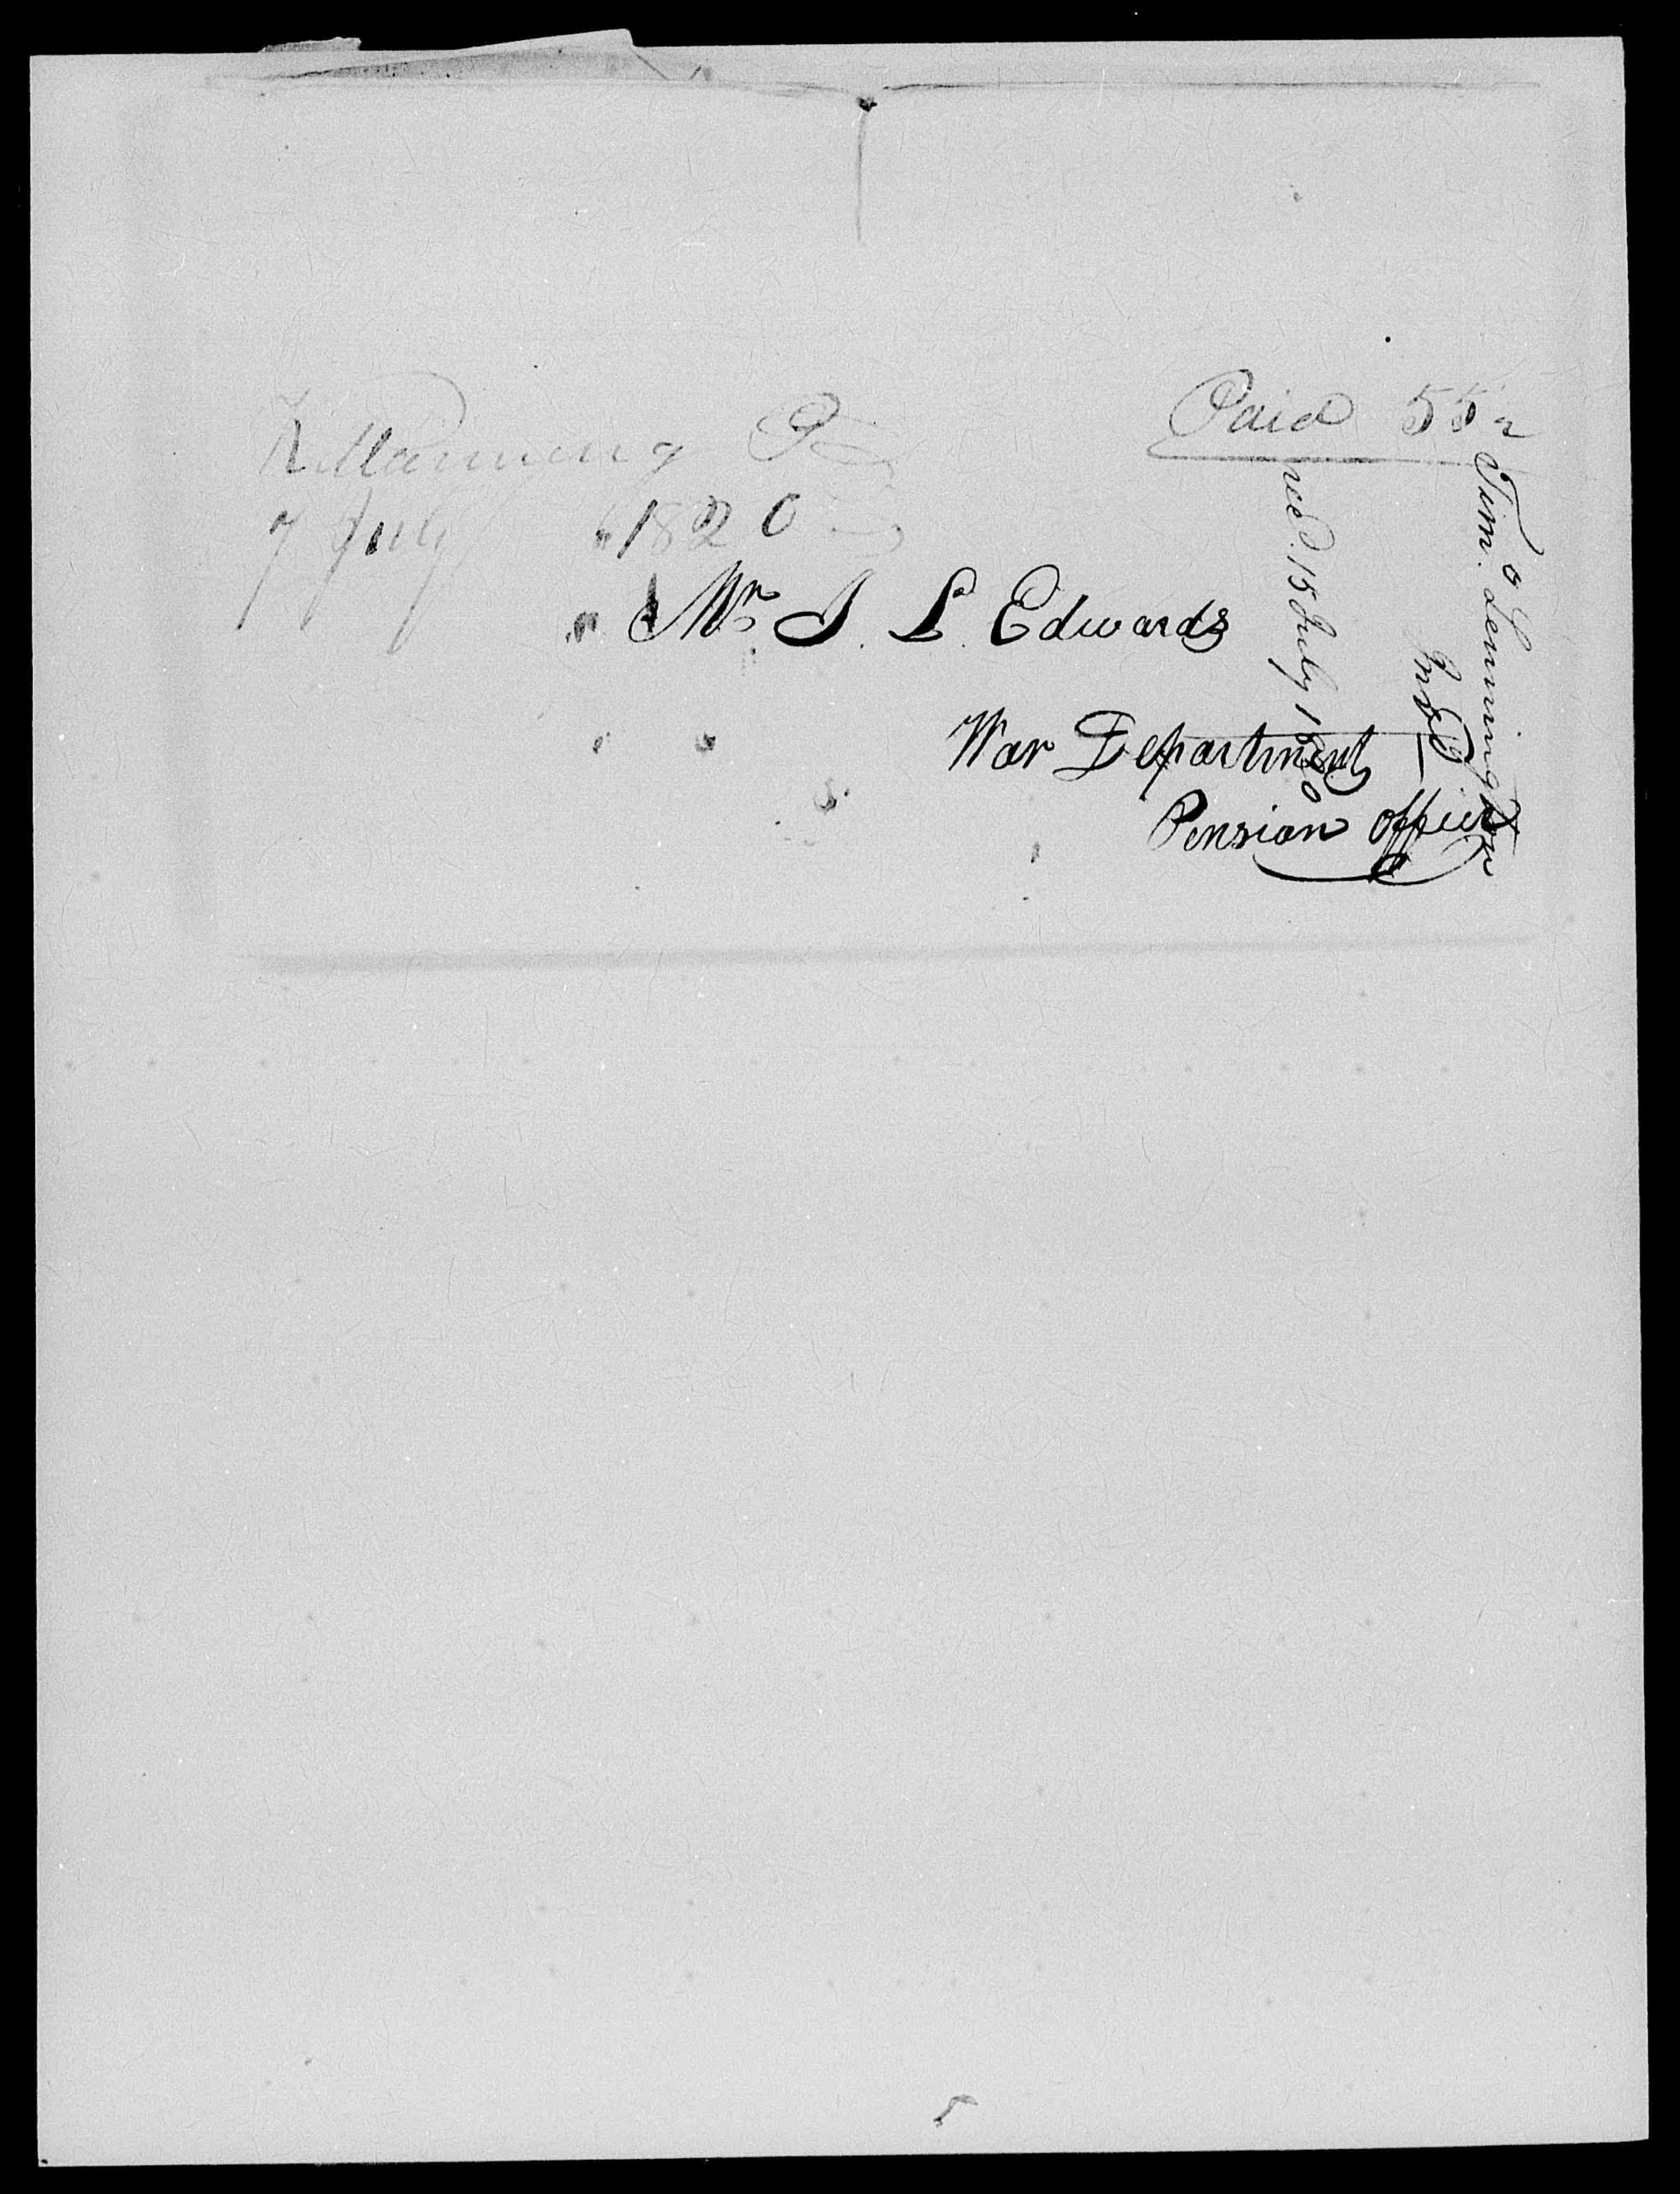Kittanning Pa                  Paid 55
7 July 1820

               Mr. J. L. Edwards
                           War Department
                                      Pension Office


Timothy Lennonton
[illegible initials]
rcvd 15 July 1820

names: J L Edwards; Timo Lennington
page: 8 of 14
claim: survivor's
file: S. 9749, for Timothy Lennonton, Pennsylvania